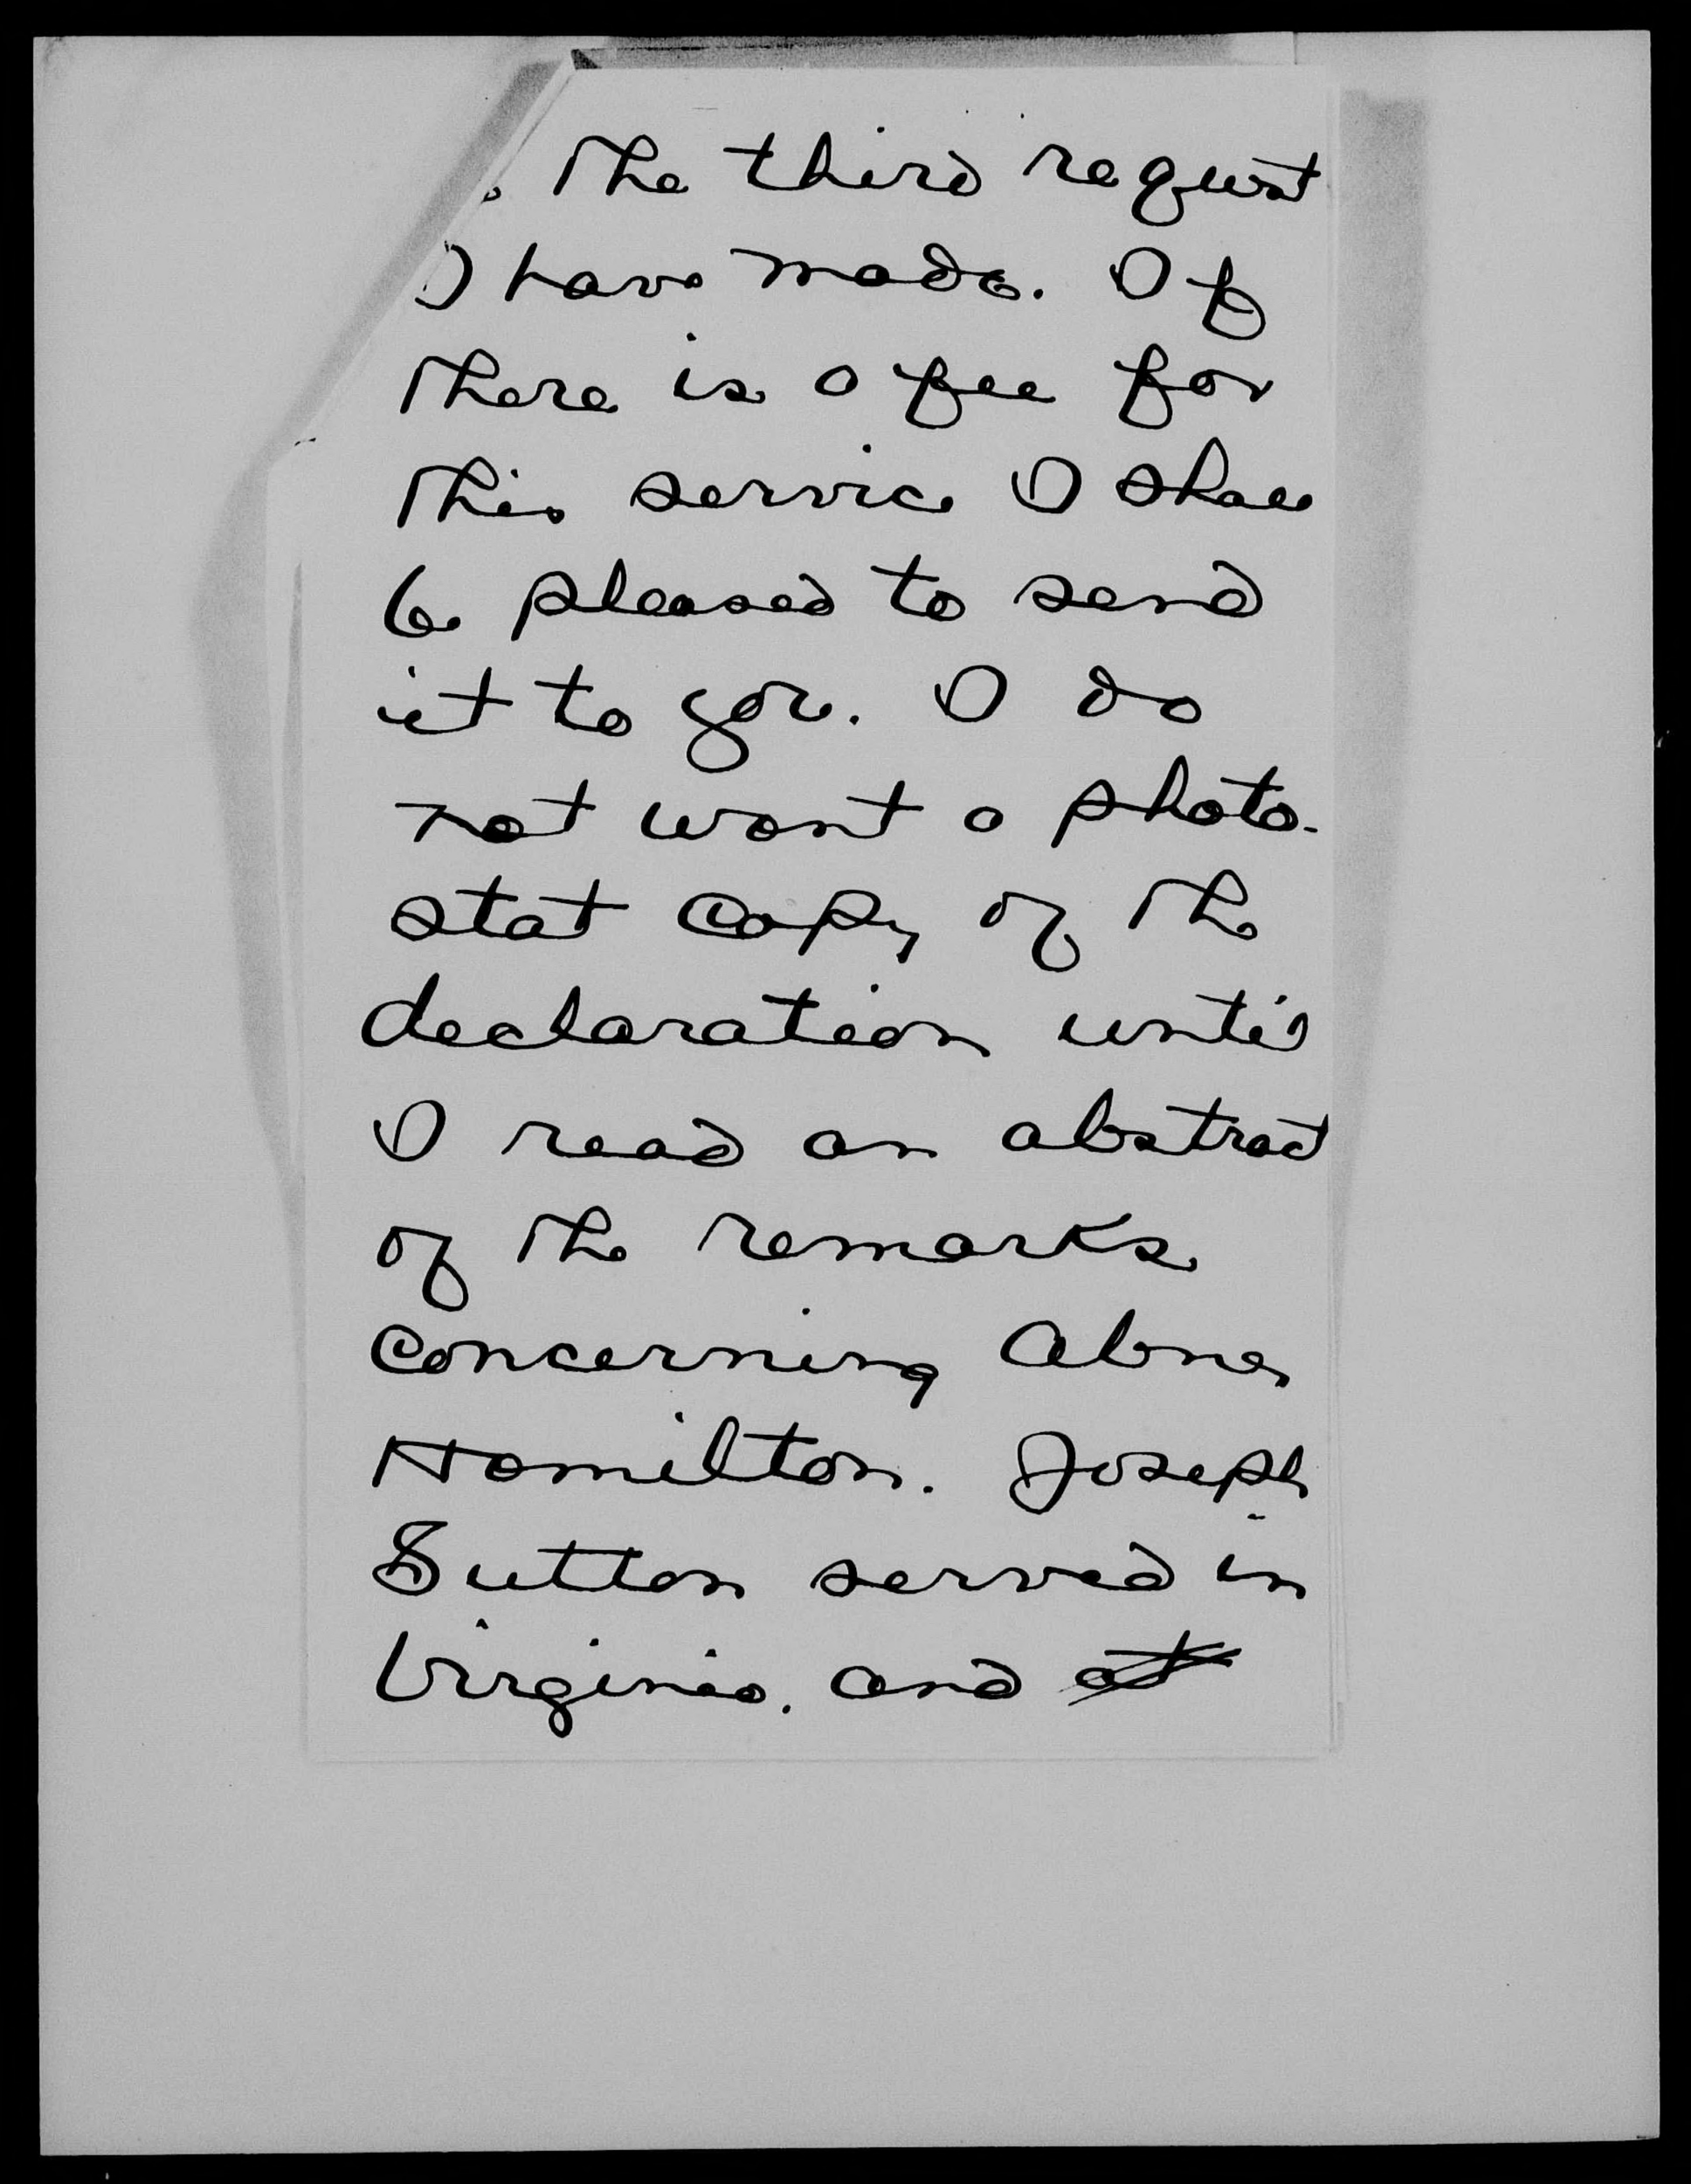The third request I have made of there is a fee for this service I show 6 pleased to send it to you I do not want a photostat copy of the declaration until I read an abstract of the remarks concerning Abner Hamilton. Joseph Sutton served in Virginia and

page: 18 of 21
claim: survivor's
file: S. 41223, for Joseph Sutton, Virginia